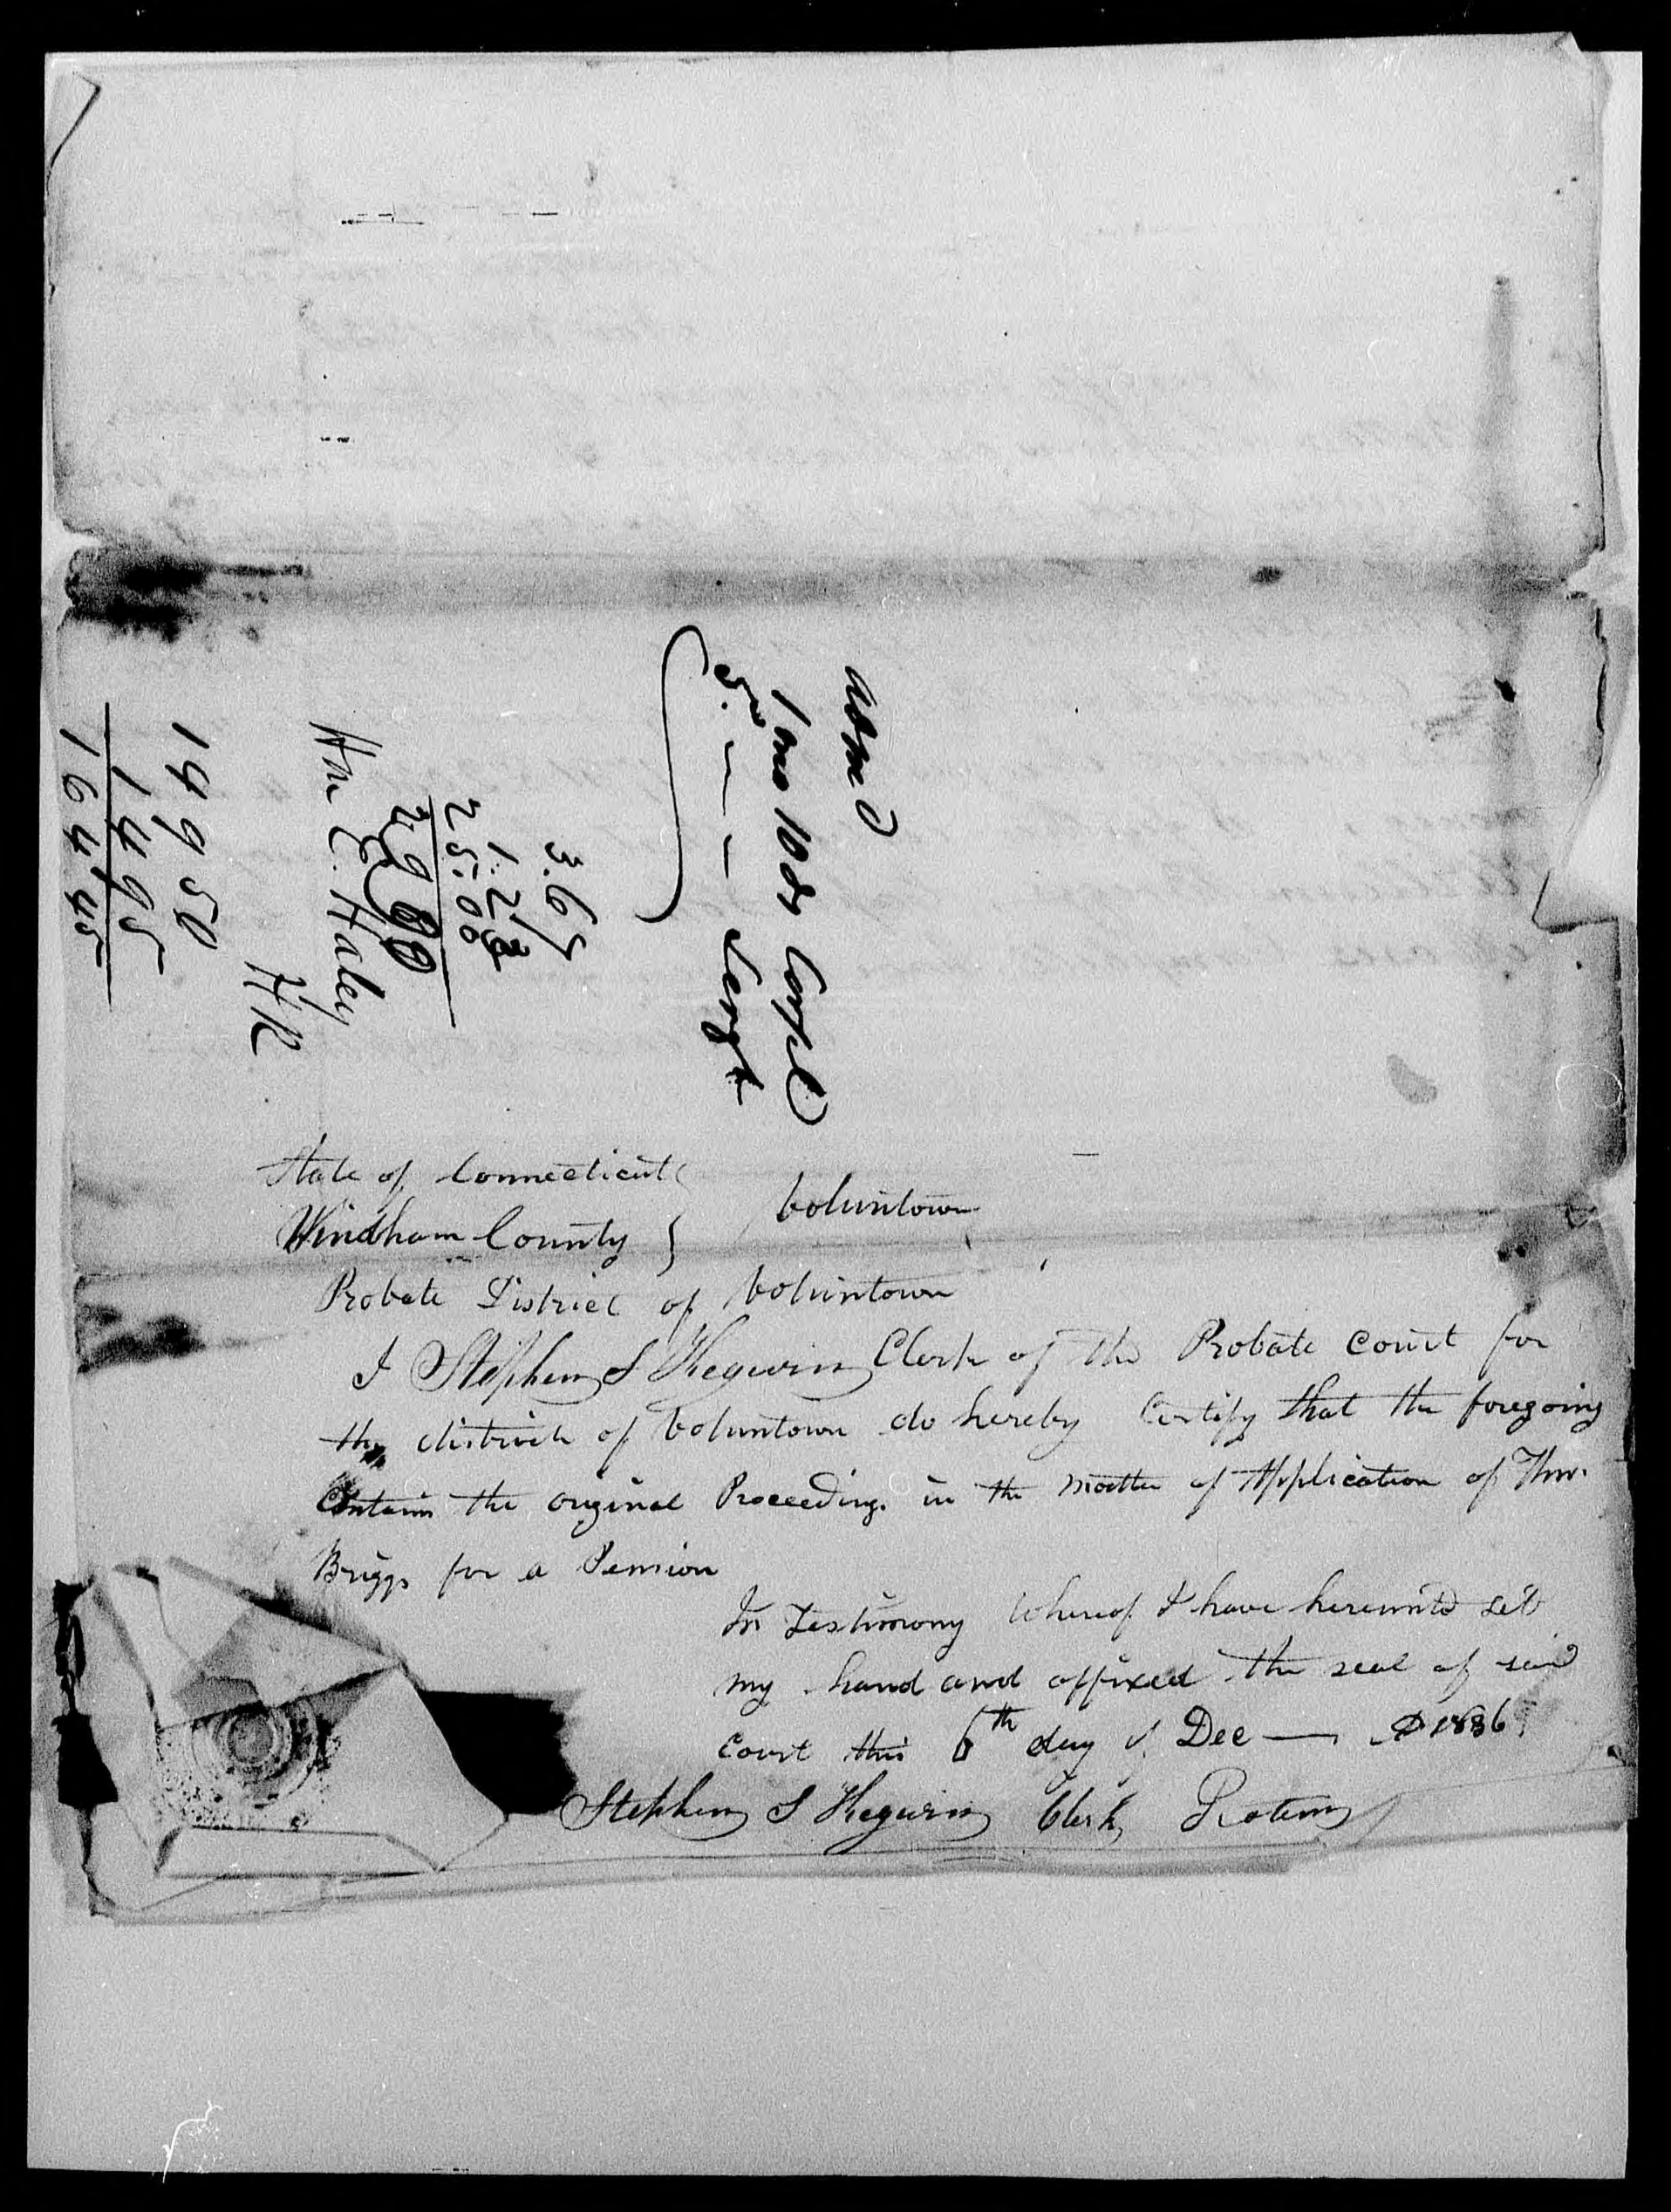[LEFT PAGE]


Admd
1 mo 10 ds    Corpl
5. -----           Sergt

   3.67
   1.23
  25.00
 ______
  29,90

  Wm E Haley
     HR


[RIGHT PAGE]

State of Connecticut
Windham County }  Voluntown
Robert Gabriel of Voluntown

I Stephen S. Kegwin Clerk of the Probate Court for the District of Voluntown do hereby certify that the foregoing contains the original proceedings in the matter of the application of Wm Briggs for a Pension.

In testimony whereof I have herewith set my hand and affixed the seal of said Court this 6th day of Dec__ A/D/ 1836

    [Signed]   Stephen S. Kegwin Clerk Probate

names: Stephen S Kegwin, Wm Briggs, Stephen S Kegwin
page: 21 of 37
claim: survivor's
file: S. 12,281, William Briggs, Conn.